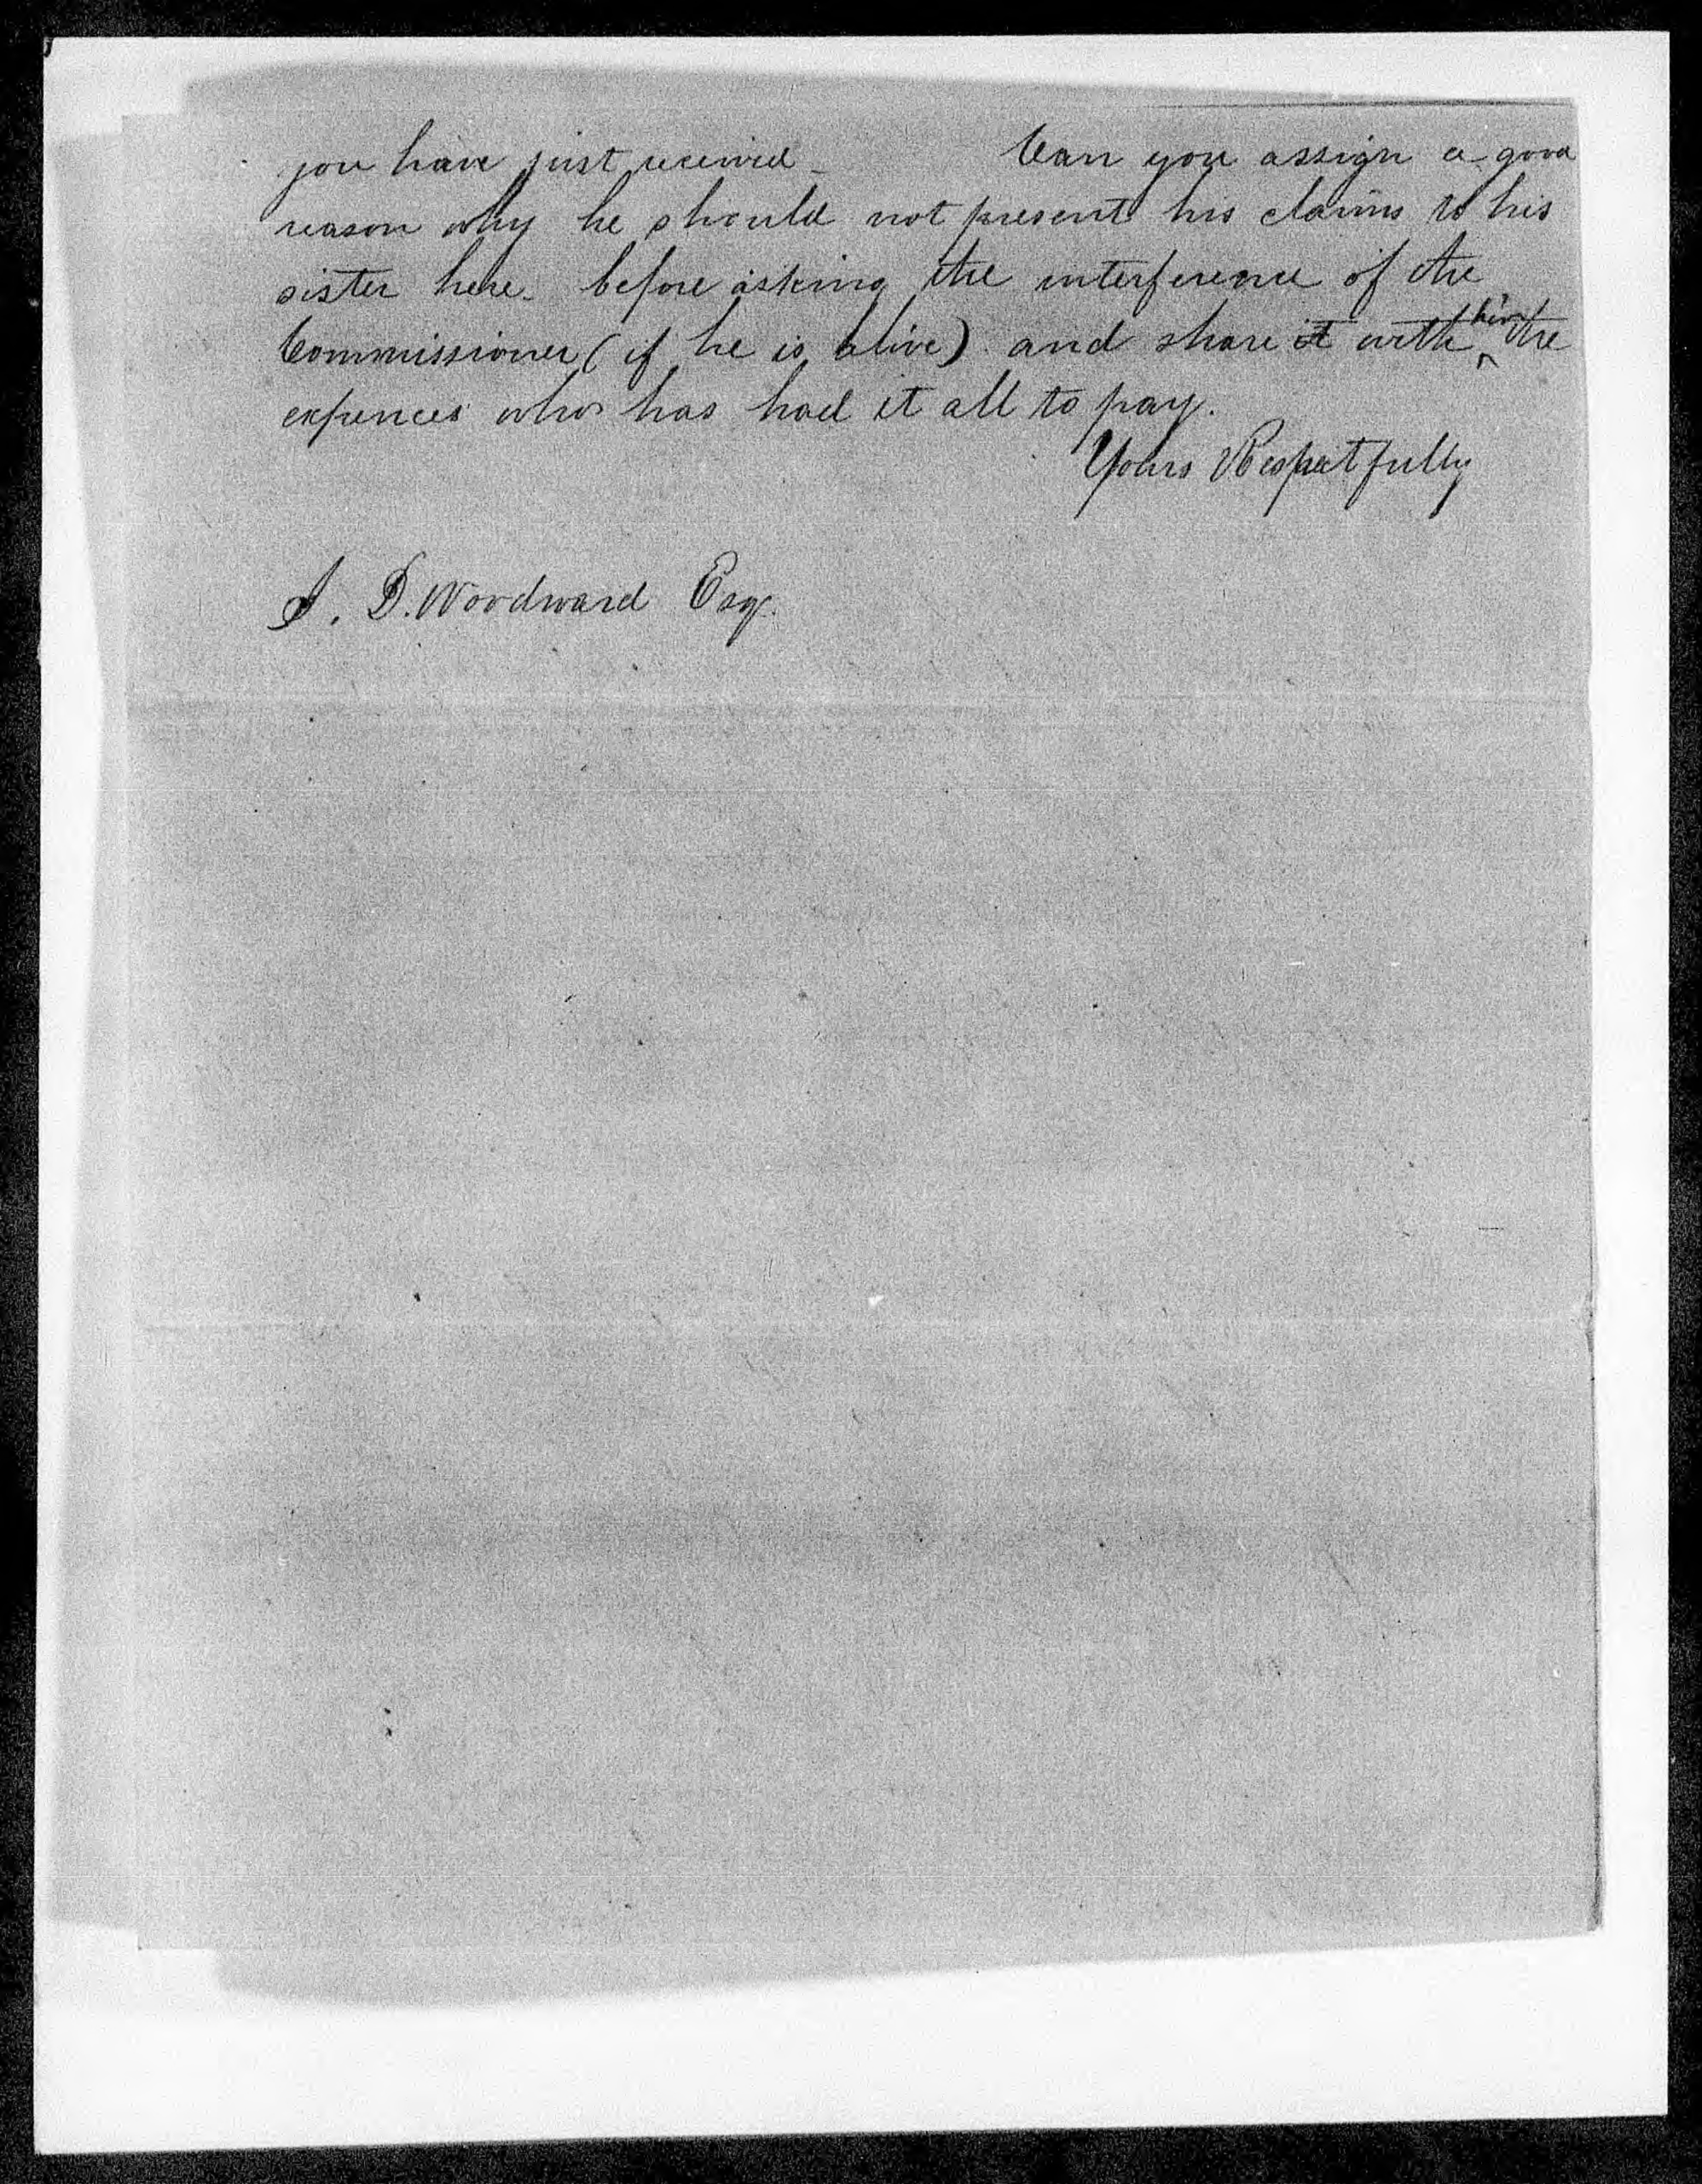you have just received.
Can you assign a good reason why he should not present his claims to his sister here before asking the interference of the Commissioner (if he is alive) and share it with him the expences who has had it all to pay.
Yours Respectfully
J. D. Woodward Exq.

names: J D Woodward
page: 65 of 98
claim: widow's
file: W. 21182, Francis Gigo, Continental (Canadian)